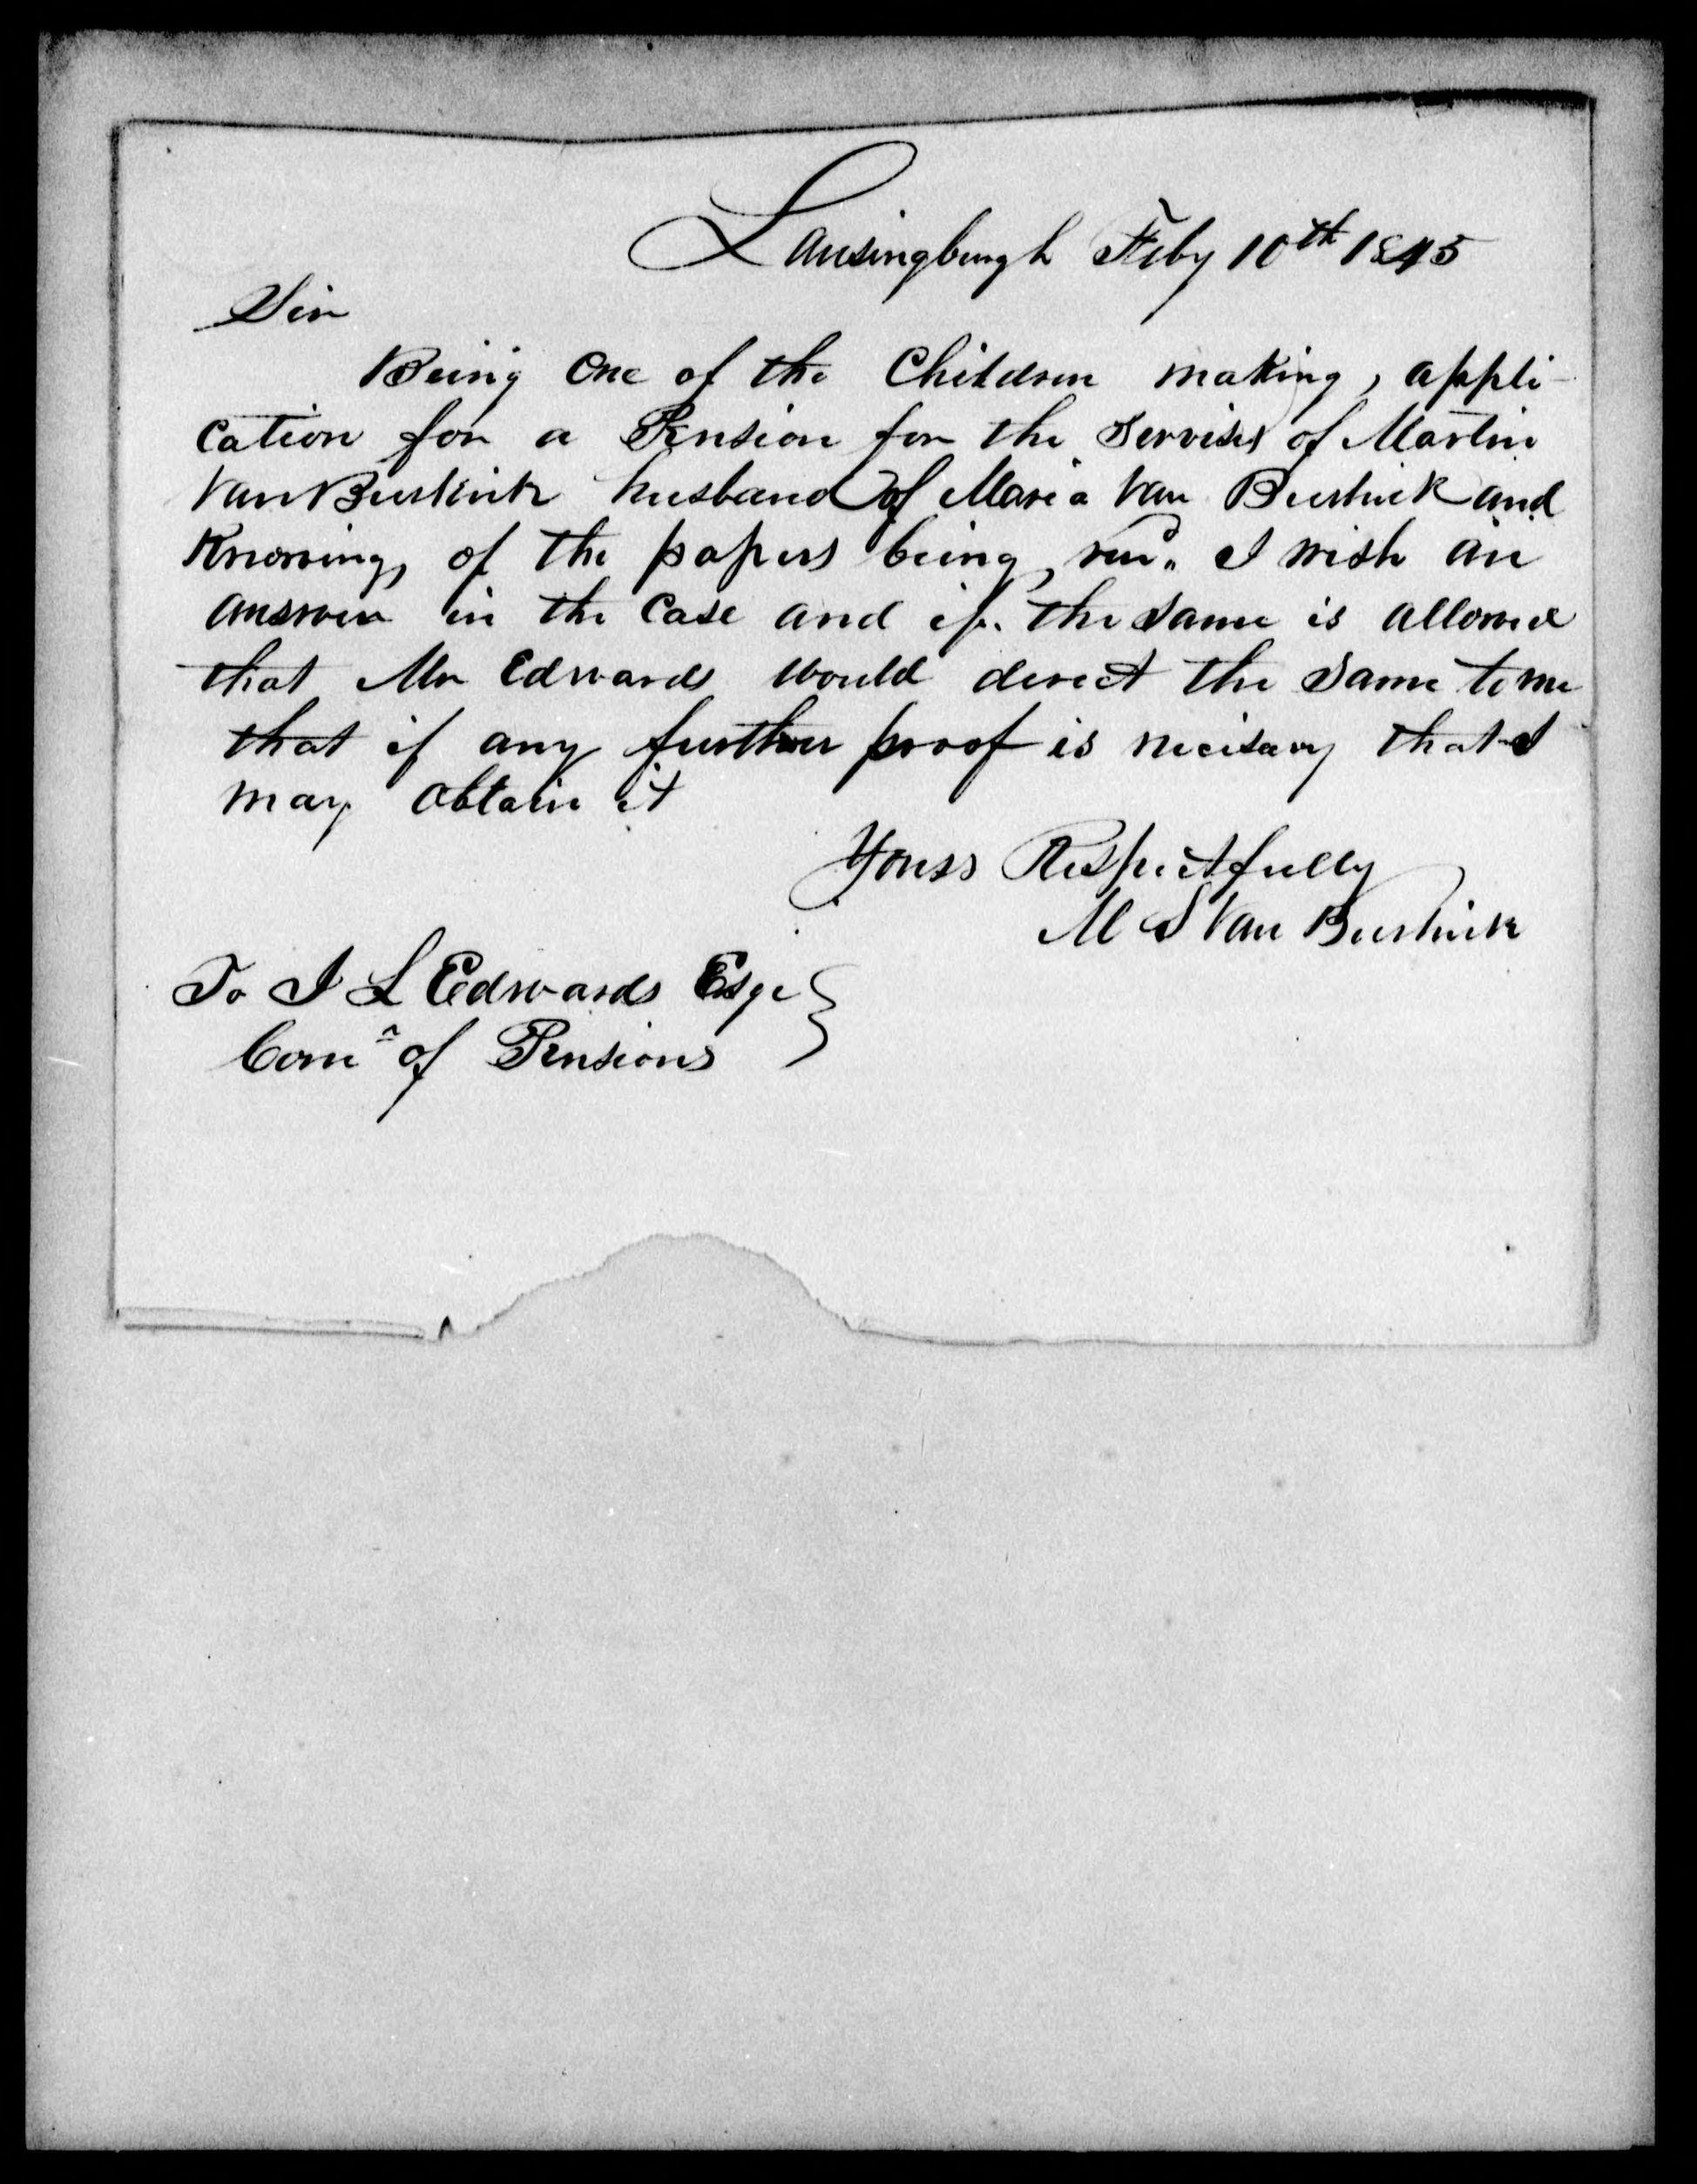Lansingburgh Feby 10th 1845

Sir
Being one of the children making application for a Pension for the services of Martin Van Buskirk husband of Maria Van Buskirk and knowing of the papers being [illegible] I wish an answer in the case and if the same is allowed that Mr Edwards would direct the same to me that if any further proof is necessary that I may obtain it

Yours Respectfully
M S Van Buskirk [signature]

To J L Edwards Esqr
Comr of Pensions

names: M S Van Buskirk, J L Edwards, Maria Van Buskirk, Edwards, Martin Van Buskirk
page: 19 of 70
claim: rejected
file: R. 10,832, Martin Van Buskirk, New York.